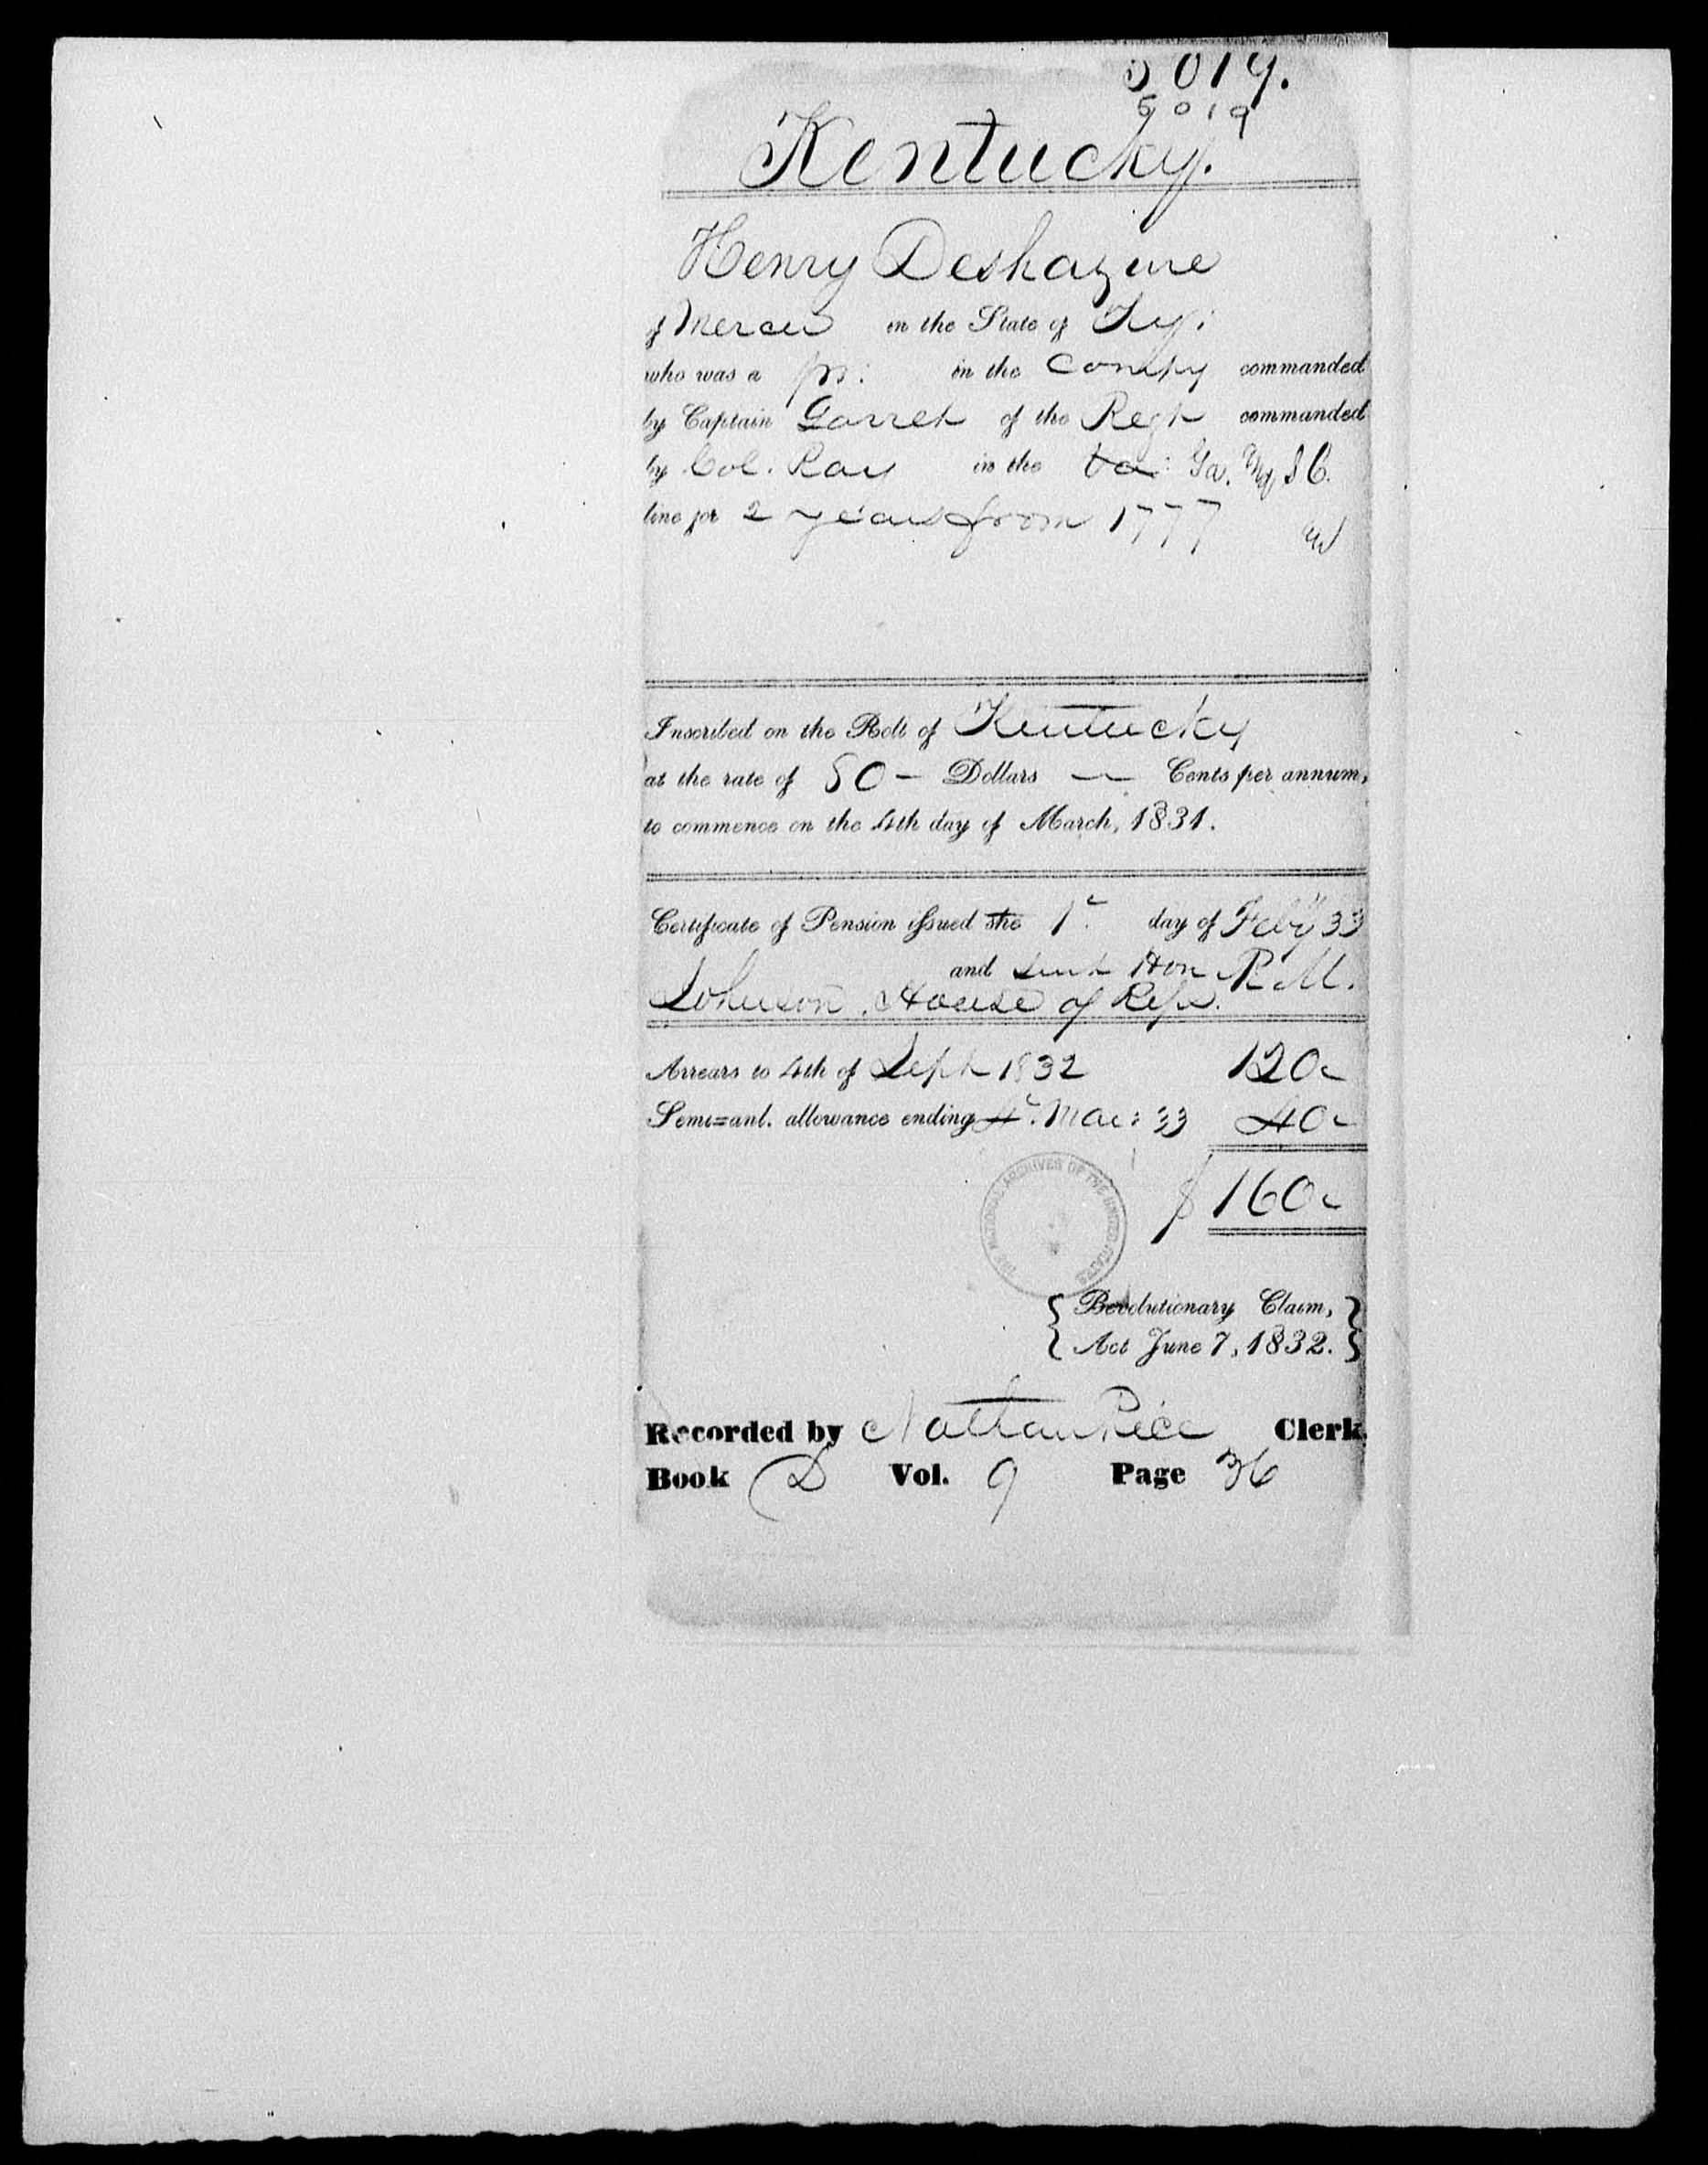5019
5019
Kentucky
Henry Deshazine
of Mercer on the State of Ky
who was a pri
in the Compy commanded
by Captain Garret of the Regt commanded
by Col. Ray in the GA. and S.C.
line for 2 years from 1777

Inscribed on the Roll of Kentucky
at the rate of 80 - Dollars - Cents per annum
to commence on the 4th day of March, 1831.

Certificate of Pension issued the 1
day of Feby 33
and sent to Hon R. M.
Johnson, House of Reps.

Arrears to 4th of Sept 1832   120
Semi anl  allowance ending 4 Mar 33 40
$160

Revolutionary Claim
Act June 7, 1832.

Recorded by Nathan Rice Clerk
Book D Vol. 9 Page 36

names: Ray, R M Johnson, Henry Deshazure, Nathan Rice, Garret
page: 2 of 12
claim: survivor's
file: S. 16,362, Henry Deshasure, Ga. S.C.